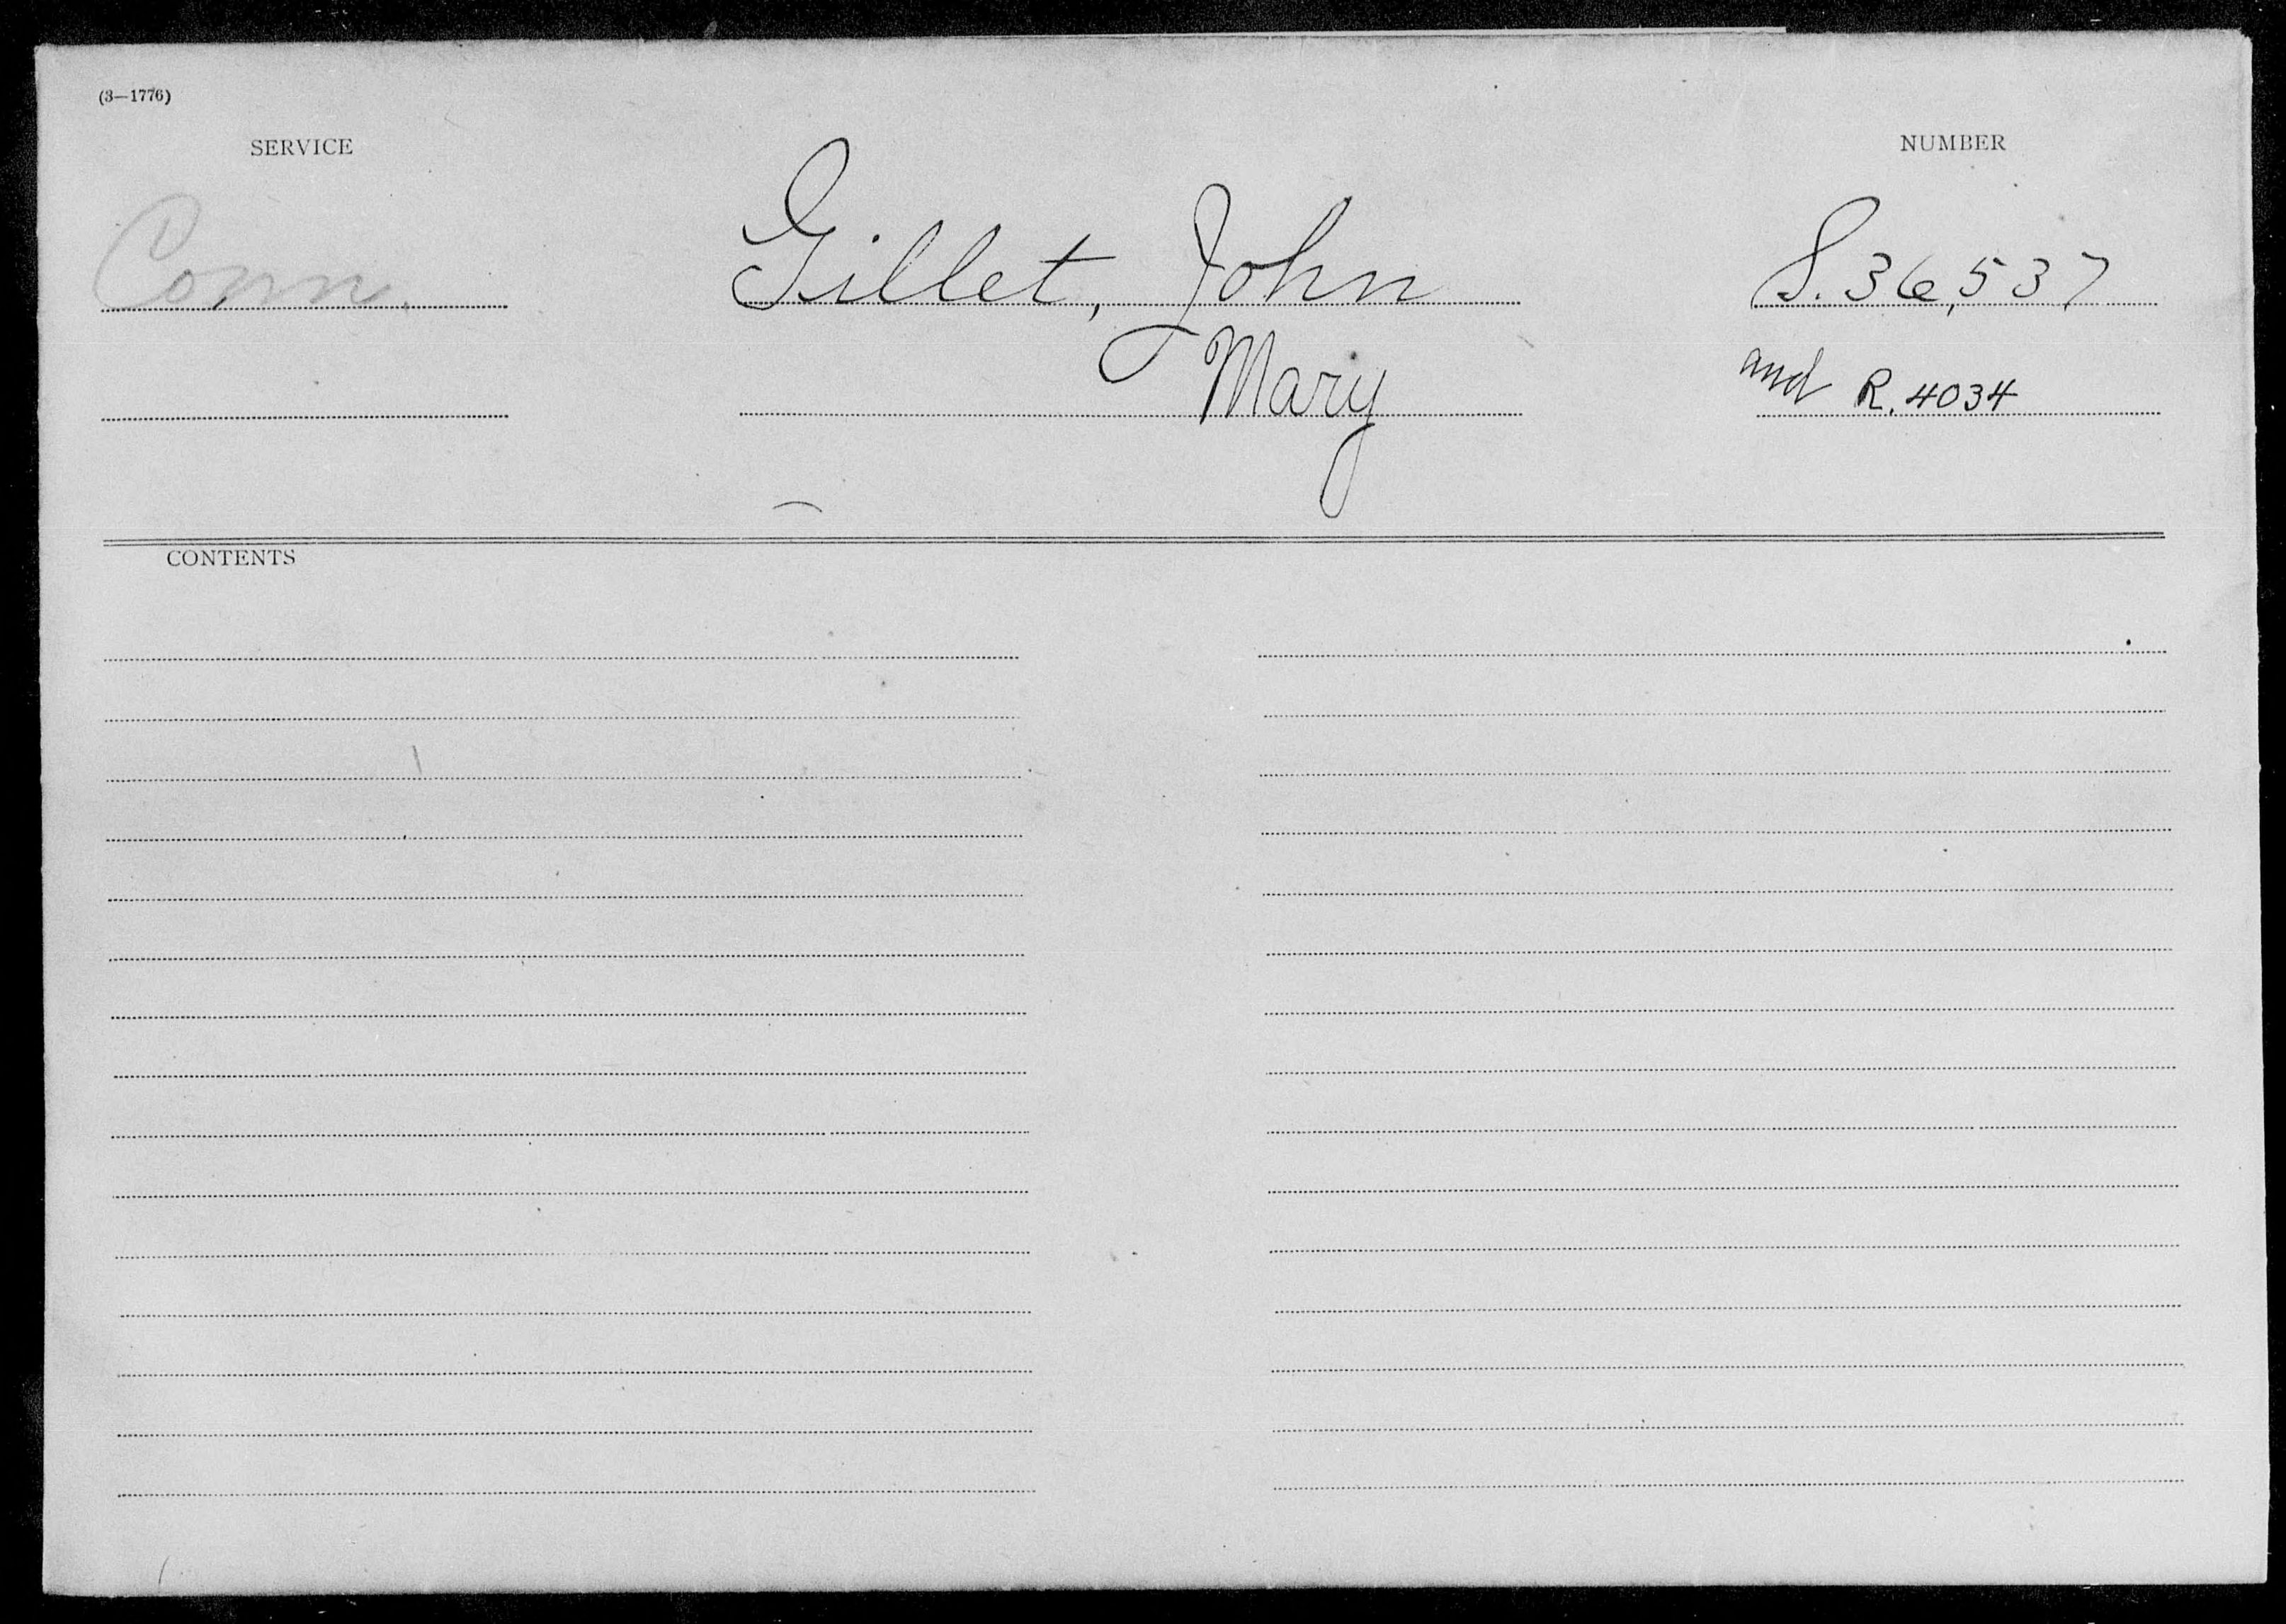SERVICE                                       NUMBER

Conn.              Gillet, John             S. 36,537
                                 Mary              and R. 4034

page: 1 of 40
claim: survivor's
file: S. 36,537 And R. 4034, John Gillet, Conn.